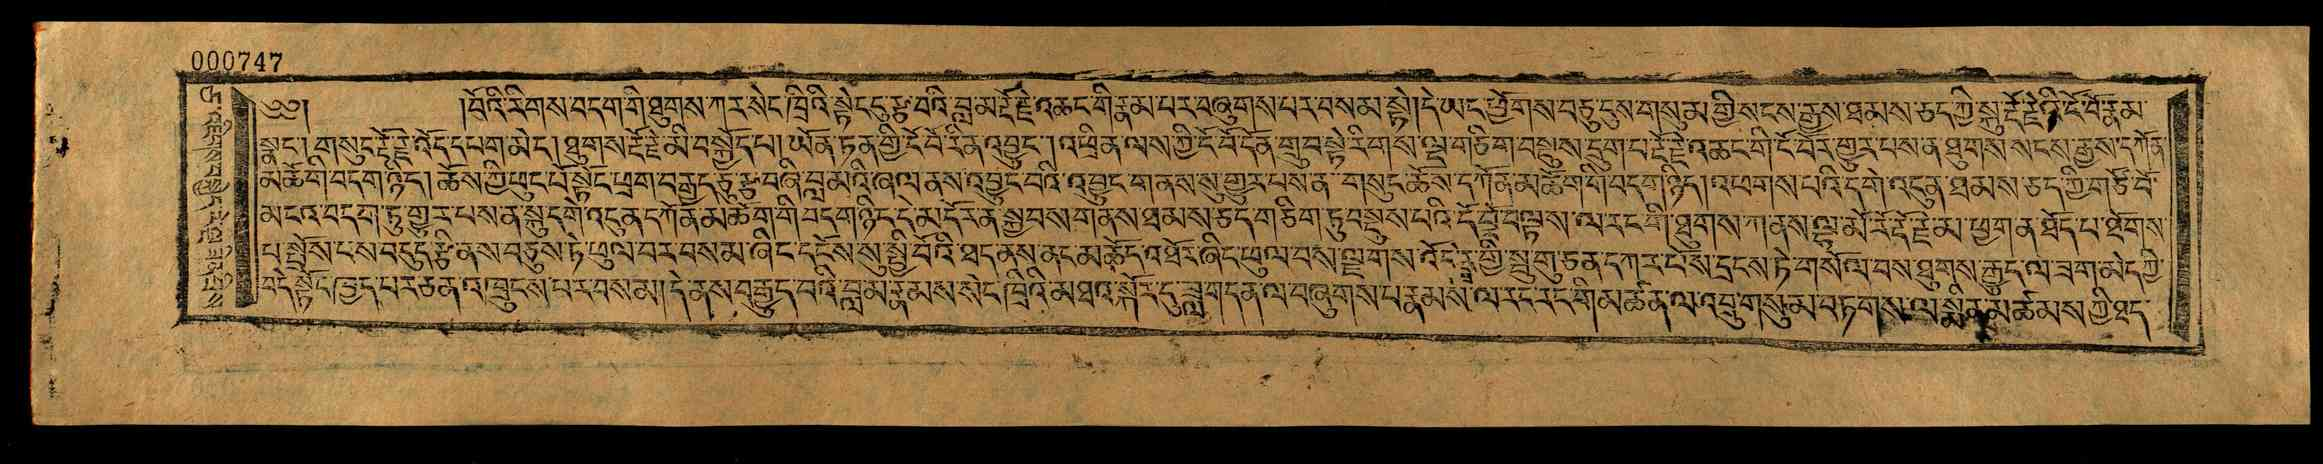༄༅། །བོའི་རིགས་བདག་གི་ཐུགས་ཀར་སེང་ཁྲིའི་སྟེང་དུ་རྩ་བའི་བླ་མ་རྡོ་རྗེ་འཆང་གི་རྣམ་པར་བཞུགས་བར་བསམ་སྟེ། དེ་ཡང་ཕྱོགས་བཅུ་དུས་གསུམ་གྱི་སངས་རྒྱས་ཐམས་ཅད་ཀྱི་སྐུ་རྡོ་རྗེའི་ངོ་བོ་རྣམ་
སྣང་། གསུང་རྡོ་རྗེ་འོད་དཔག་མེད། ཐུགས་རྡོ་རྗེ་མི་བསྐྱོད་པ། ཡོན་ཏན་གྱི་ངོ་བོ་རིན་འབྱུང་། འཕྲིན་ལས་ཀྱི་ངོ་བོ་དོན་གྲུབ་སྟེ་རིགས་ལྔ་གཅིག་བསྡུས་དྲུག་པ་རྡོ་རྗེ་འཆང་གི་ངོ་བོར་གྱུར་པས་ན་ཐུགས་སངས་རྒྱས་དཀོན་
མཆོག་གི་བདག་ཉིད། ཆོས་ཀྱི་ཕུང་པོ་སྟོང་ཕྲག་བརྒྱད་ཅུ་རྩ་བཞི་བླ་མའི་ཞལ་ནས་འབྱུང་བའི་འབྱུང་གནས་སུ་གྱུར་པས་ན་གསུང་ཆོས་དཀོན་མཆོག་གི་བདག་ཉིད། འཕགས་པའི་དགེ་འདུན་ཐམས་ཅད་ཀྱི་གཙོ་བོ་
མངའ་བདག་ཏུ་གྱུར་པས་ན་སྐུ་དགེ་འདུན་དཀོན་མཆོག་གི་བདག་ཉིད་དེ་མདོར་ན་སྐྱབས་གནས་ཐམས་ཅད་གཅིག་ཏུ་བསྡུས་པའི་ངོ་བོར་བལྟས་ལ་རང་གི་ཐུགས་ཀ་ནས་ལྷ་མོ་རོ་རྡོ་རྗེ་མ་ཕྱག་ན་ཐོད་པ་ཐོགས་
པ་སྤྲོས་པས་བདུད་རྩི་ནས་བཅུས་ཏེ་ཕུལ་བར་བསམ་ཞིང་དངོས་སུ་སྤྱི་བོའི་ཐད་ནས་ནང་མཆོད་འཐོར་ཞིང་ཕུལ་བས་ལྗགས་འོད་ཟེར་གྱི་སྤུ་གུ་ཅན་དཀར་པོས་དྲངས་ཏེ་གསོལ་བས་ཐུགས་རྒྱུད་ལ་ཟག་མེད་ཀྱི་
བདེ་སྟོང་ཁྱད་པར་ཅན་འཁྲུངས་པར་བསམ། དེ་ནས་བརྒྱུད་པའི་བླ་མ་རྣམས་སེང་ཁྲིའི་མཐའ་སྐོར་དུ་ཟླ་གདན་ལ་བཞུགས་པ་རྣམས་ལ་རང་རང་གི་མཚན་ལ་འབྲུ་གསུམ་བཏགས་ལ་སྨིན་མཚམས་ཀྱི་ཐད་